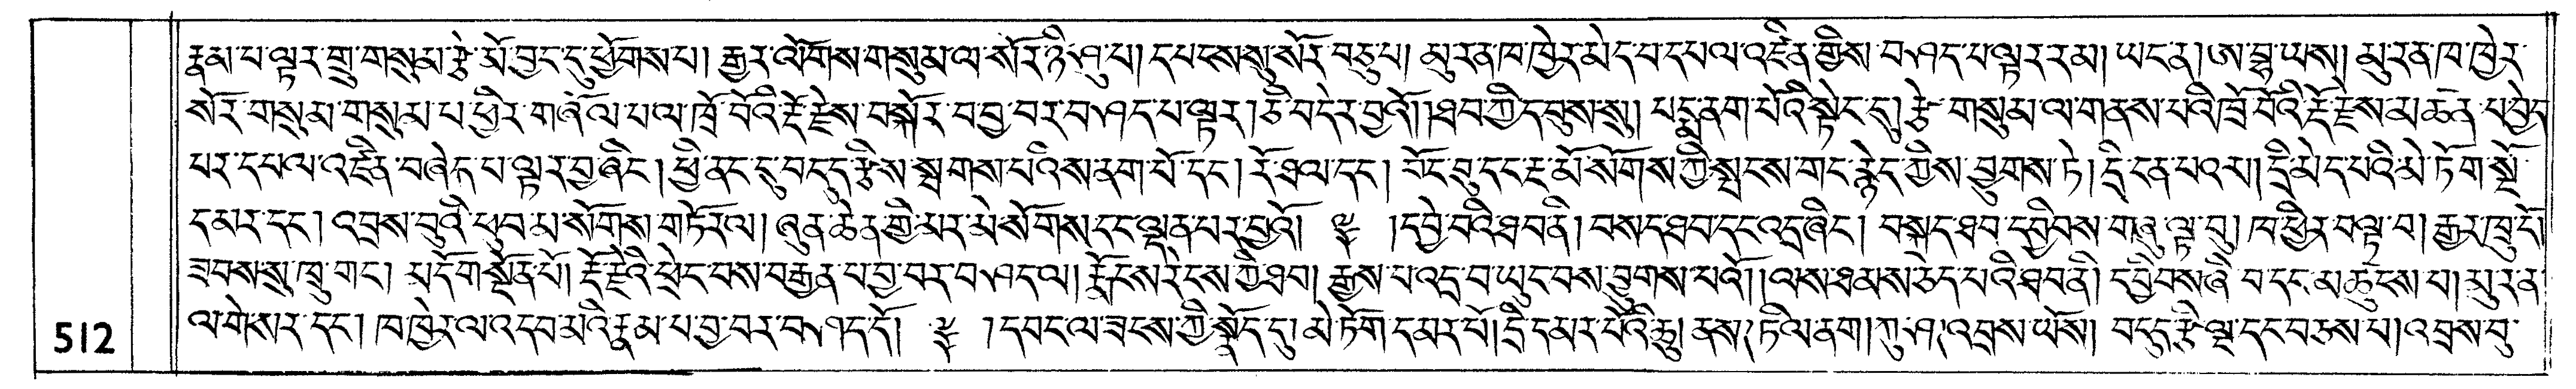རྣམ་པ་ལྟར་གྲུ་གསུམ་རྩེ་མོ་བྱང་དུ་ཕྱོགས་པ། རྒྱར་ལོགས་གསུམ་ལ་སོར་ཉི་ཤུ་པ། དཔངས་སུ་སོར་བཅུ་པ། མུ་རན་ཁ་ཁྱེར་མེད་པ་དཔལ་འཛིན་གྱིས་བཤད་པ་ལྟར་རམ། ཡང་ན། ཨ་བྷ་ཡས། མུ་རན་ཁ་ཁྱེར་
སོར་གསུམ་གསུམ་པ་ཕྱིར་གཞོལ་པ་ལ་ཁྲོ་བོའི་རྡོ་རྗེས་བསྐོར་བ་བྱ་བར་བཤད་པ་ལྟར། ཅི་བདེར་བྱའོ། །ཐབ་ཀྱི་དབུས་སུ། པདམ་ནག་པོའི་སྟེང་དུ། རྩེ་གསུམ་ལ་གནས་པའི་ཁྲོ་བོའི་རྡོ་རྗེས་མཚན་པ་བྱེད་
པར་དཔལ་འཛིན་བཞེད་པ་ལྟར་བྱ་ཞིང་། ཕྱི་ནང་དུ་བདུད་རྩིས་སྤགས་པའི་ས་ནག་པོ་དང་། རོ་ཐལ་དང་། བོང་བུ་དང་རྔ་མོ་སོགས་ཀྱི་སྤངས་གང་རྙེད་ཀྱིས་བྱུགས་ཏེ། དྲི་ངན་པའམ། དྲི་མེད་པའི་མེ་ཏོག་སྔོ་
དམར་དང་། འབྲས་བུའི་ཕུབ་མ་སོགས་གཏོར་ལ། ཞུན་ཆེན་གྱི་མར་མེ་སོགས་དང་ལྡན་པར་བྱའོ། ༈ །དབྱེ་བའི་ཐབ་ནི། བསད་ཐབ་དང་འདྲ་ཞིང་། བསྐྲད་ཐབ་དབྱིབས་གཞུ་ལྟ་བུ། ཁ་ཕྱིར་བལྟ་བ། རྒྱར་ཁྲུ་དོ།
ཟབས་སུ་ཁྲུ་གང་། མདོག་སྔོན་པོ། རྡོ་རྗེའི་ཕྲེང་བས་བརྒྱན་པ་བྱ་བར་བཤད་ལ། རྨོངས་རེངས་ཀྱི་ཐབ། རྒྱས་པ་འདྲ་བ་ཡུང་བས་བྱུགས་པའོ། །ལས་ཐམས་ཅད་པའི་ཐབ་ནི། དབྱིབས་ཞི་བ་དང་མཚུངས་པ། མུ་ར་ན་
ལ་གེ་སར་དང་། ཁ་ཁྱེར་ལ་འདབ་མའི་རྣམ་པ་བྱ་བར་བཤད་དོ། ༈ །དབང་ལ་ཟངས་ཀྱི་སྣོད་དུ། མེ་ཏོག་དམར་པོ། དྲི་དམར་པོའི་ཆུ། ནས། ཏིལ་ནག །ཀུ་ཤ། འབྲས་ཡོས། བདུད་རྩི་ལྔ་དང་བཅས་པ། འབྲས་བུ་